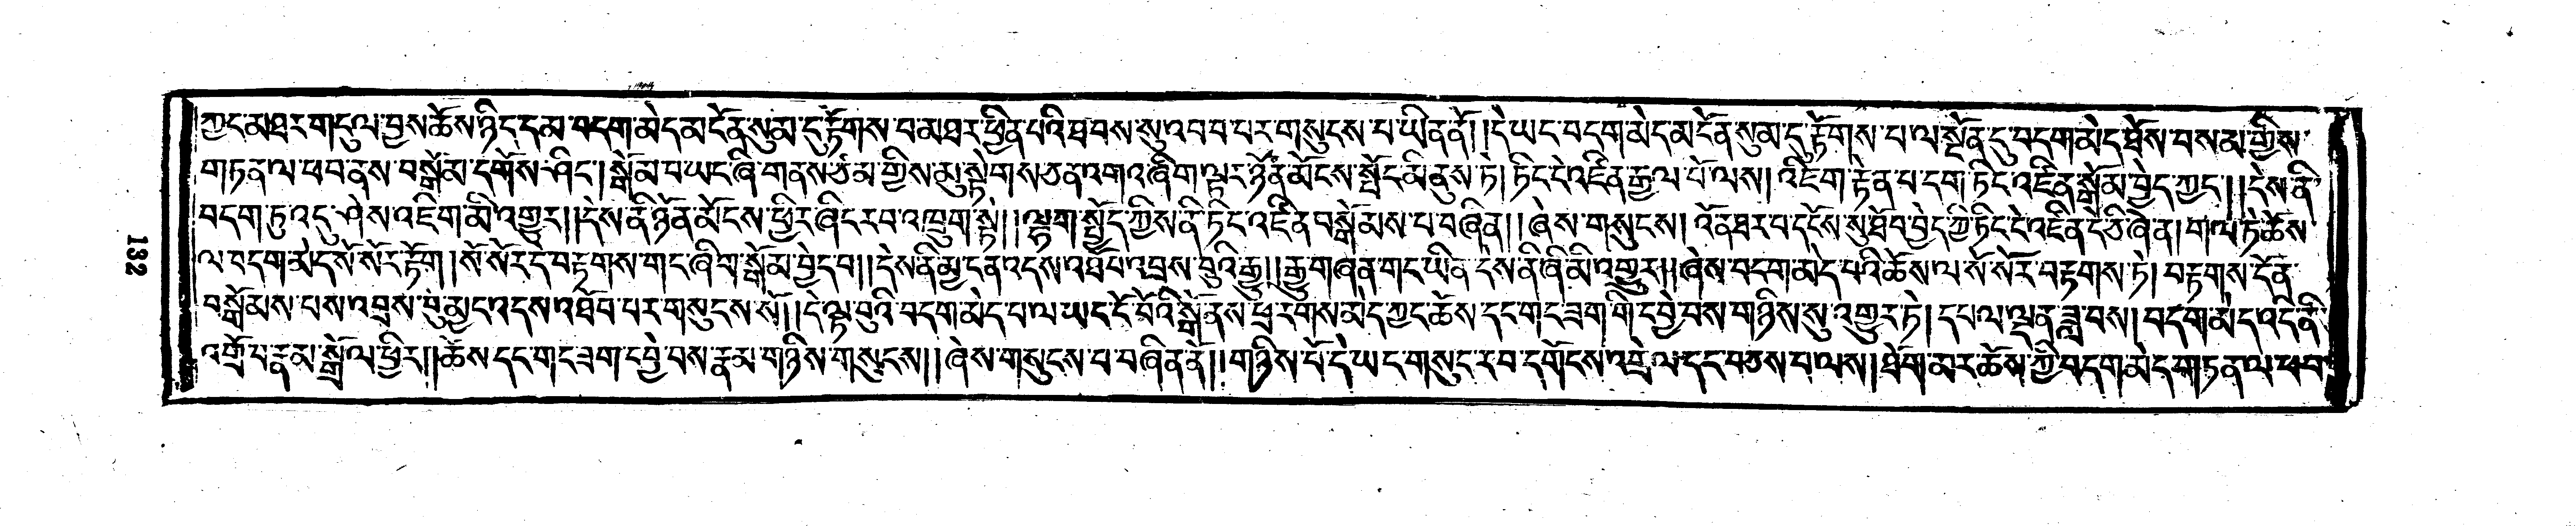ཀྱང་མཐར་གདུལ་བྱས་ཆོས་ཉིད་དམ་བདག་མེད་མངོན་སུམ་དུ་རྟོགས་པ་མཐར་ཕྱིན་པའི་ཐབས་སུ་འབབ་པར་གསུངས་པ་ཡིན་ནོ། །དེ་ཡང་བདག་མེད་མངོན་སུམ་དུ་རྟོགས་པ་ལ་སྔོན་དུ་བདག་མེད་ཐོས་བསམ་གྱིས་
གཏན་ལ་ཕབ་ནས་བསྒོམ་དགོས་ཤིང་། སྒོམ་པ་ཡང་ཞི་གནས་ཙམ་གྱིས་མུ་སྟེགས་ཅན་འགའ་ཞིག་ལྟར་ཉོན་མོངས་སྤོང་མི་ནུས་ཏེ། ཏིང་ངེ་འཛིན་རྒྱལ་པོ་ལས། འཇིག་རྟེན་པ་དག་ཏིང་འཛིན་སྒོམ་བྱེད་ཀྱང་། །དེས་ནི་
བདག་ཏུ་འདུ་ཤེས་འཇིག་མི་འགྱུར། །དེས་ནི་ཉོན་མོངས་ཕྱིར་ཞིང་རབ་འཁྲུག་སྟེ། །ལྷག་སྤྱོད་ཀྱིས་ནི་ཏིང་འཛིན་བསྒོམས་པ་བཞིན། །ཞེས་གསུངས། འོ་ན་ཐར་པ་དངོས་སུ་ཐོབ་བྱེད་ཀྱི་ཏིང་ངེ་འཛིན་དེ་ཅི་ཞེ་ན། གལ་ཏེ་ཆོས་
ལ་བདག་མེད་སོ་སོར་རྟོག །སོ་སོར་དེ་བརྟགས་གང་ཞིག་སྒོམ་བྱེད་པ། །དེས་ནི་མྱ་ངན་འདས་འཐོབ་འབྲས་བུའི་རྒྱུ། །རྒྱུ་གཞན་གང་ཡིན་དེས་ནི་ཞི་མི་འགྱུར། །ཞེས་བདག་མེད་པའི་ཆོས་ལ་སོ་སོར་བརྟགས་ཏེ། བརྟགས་དོན་
བསྒོམས་པས་འབྲས་བུ་མྱང་འདས་འཐོབ་པར་གསུངས་སོ། །དེ་ལྟ་བུའི་བདག་མེད་པ་ལ་ཡང་ངོ་བོའི་སྒོ་ནས་ཕྲ་རགས་མེད་ཀྱང་ཆོས་དང་གང་ཟག་གི་དབྱེ་བས་གཉིས་སུ་འགྱུར་ཏེ། དཔལ་ལྡན་ཟླ་བས། བདག་མེད་འདི་ནི་
འགྲོ་བ་རྣམ་སྒྲོལ་ཕྱིར། །ཆོས་དང་གང་ཟག་དབྱེ་བས་རྣམ་གཉིས་གསུངས། །ཞེས་གསུངས་པ་བཞིན་ནོ། །གཉིས་པོ་དེ་ཡང་གསུང་རབ་དགོངས་འགྲེལ་དང་བཅས་པ་ལས། ཐོག་མར་ཆོས་ཀྱི་བདག་མེད་གཏན་ལ་ཕབ་